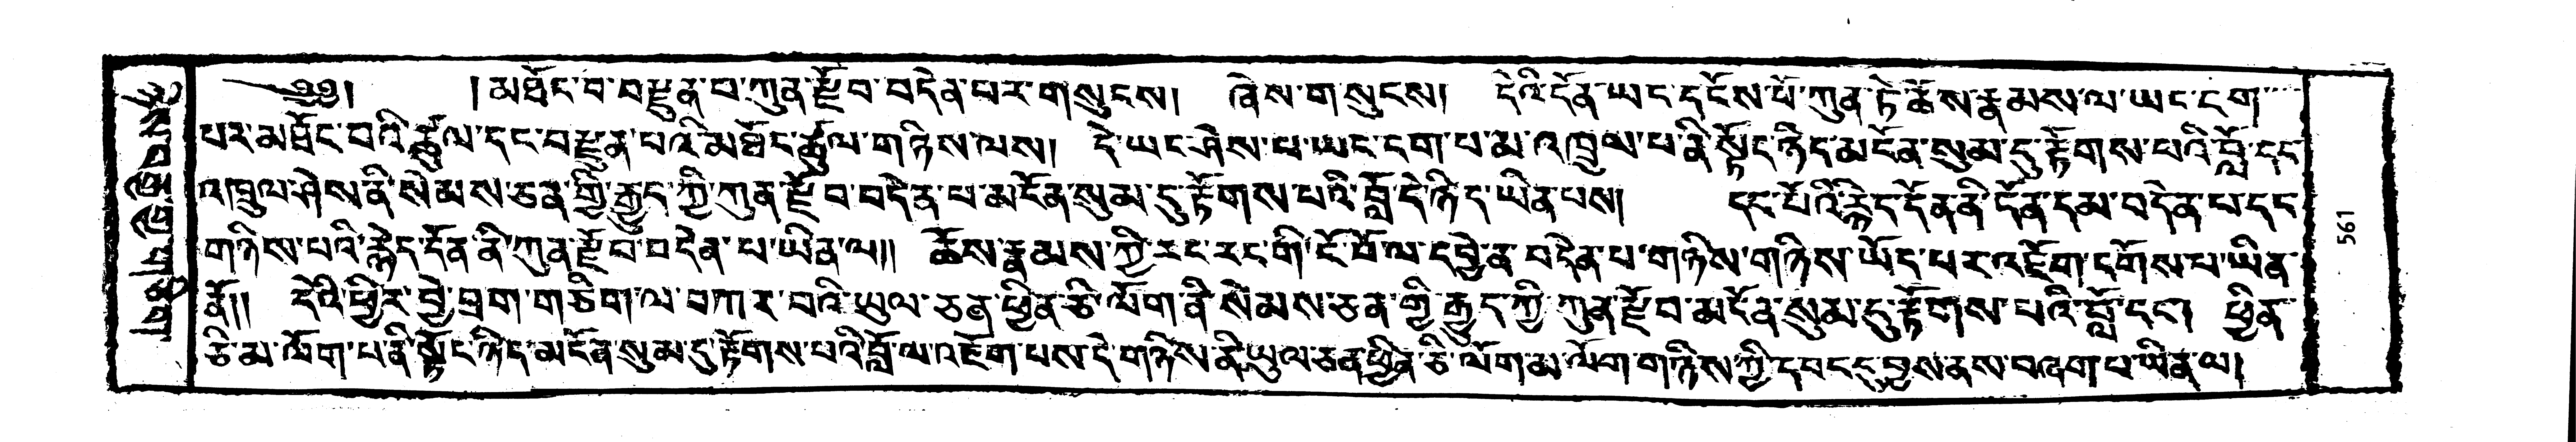༄༅། །མཐོང་བ་བརྫུན་པ་ཀུན་རྫོབ་བདེན་པར་གསུངས། ཞེས་གསུངས། དེའི་དོན་ཡང་དངོས་པོ་ཀུན་ཏེ་ཆོས་རྣམས་ལ་ཡང་ངག་
པར་མཐོང་བའི་ཚུལ་དང་བརྫུན་པའི་མཐོང་ཚུལ་གཉིས་ལས། དེ་ཡང་ཤེས་པ་ཡང་དག་པ་མ་འཁྲུལ་པ་ནི་སྟོང་ཉིད་མངོན་སུམ་དུ་རྟོགས་པའི་བློ་དང་
འཁྲུལ་ཤེས་ནི་སེམས་ཅན་གྱི་རྒྱུད་ཀྱི་ཀུན་རྫོབ་བདེན་པ་མངོན་སུམ་དུ་རྟོགས་པའི་བློ་དེ་ཉིད་ཡིན་པས། དང་པོའི་རྙིད་དོན་ནི་དོན་དམ་བདེན་པ་དང་
གཉིས་པའི་རྙེད་དོན་ནི་ཀུན་རྫོབ་བདེན་པ་ཡིན་ལ། །ཆོས་རྣམས་ཀྱི་རང་རང་གི་ངོ་བོ་ལ་དབྱེ་ན་བདེན་པ་གཉིས་གཉིས་ཡོད་པར་འཇོག་དགོས་པ་ཡིན་
ནོ། །དེའི་ཕྱིར་བྱེ་བྲག་གཅིག་ལ་བཀར་བའི་ཡུལ་ཅན་ཕྱིན་ཅི་ལོག་ནི་སེམས་ཅན་གྱི་རྒྱུད་ཀྱི་ཀུན་རྫོབ་མངོན་སུམ་དུ་རྟོགས་པའི་བློ་དང་། ཕྱིན་
ཅི་མ་ལོག་པ་ནི་སྟོང་ཉིད་མངོན་སུམ་དུ་རྟོགས་པའི་བློ་ལ་འཇོག་པས་དེ་གཉིས་ནི་ཡུལ་ཅན་ཕྱིན་ཅི་ལོག་མ་ལོག་གཉིས་ཀྱི་དབང་དུ་བྱས་ནས་བཞག་པ་ཡིན་ལ།